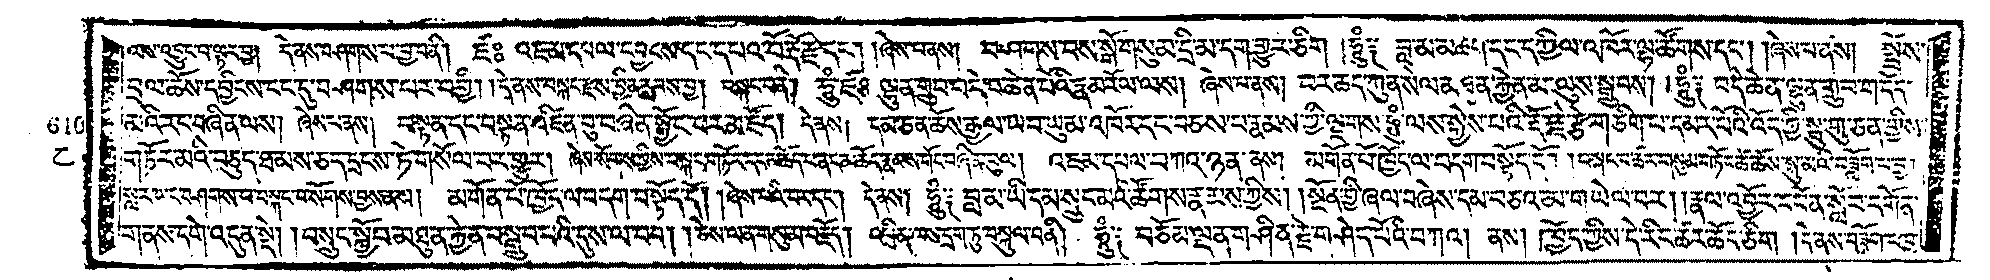ལས་འབྱུང་བ་ལྟར་བྱ། དེ་ནས་བཤགས་པ་བྱ་བ་ནི། ཛཿ འཇམ་དཔལ་དབྱངས་དང་དཔའ་བོ་རྡོ་རྗེ་དང་། །ཞེས་པ་ནས།  བཤགས་པས་སྒོ་གསུམ་དྲི་མ་དག་གྱུར་ཅིག །ཧཱུཾ༑ བླ་མ་མཆོག་དང་དཀྱིལ་འཁོར་ལྷ་ཚོགས་དང་། །ཞེས་པ་ནས།  སྤྲོས་
བྲལ་ཆོས་དབྱིངས་ངང་དུ་བཤགས་པར་བགྱི། །དེ་ནས་བསྐང་རྫས་བྱིན་རླབས་བྱ། བསྐང་བ་ནི།  ཧཱུཾ་ཛཿ ལྷུན་གྲུབ་བདེ་བ་ཆེན་པོའི་རྣམ་རོལ་ལས། ཞེས་པ་ནས།  བར་ཆད་ཀུན་སེལ་མཐུན་རྐྱེན་མ་ལུས་སྒྲུབས། །ཧཱུཾ༑ བདེ་ཆེན་ལྷུན་གྲུབ་གདོད་
མའི་རང་བཞིན་ལས། ཞེས་པ་ནས།  བསྟན་དང་བསྟན་འཛིན་བུ་བཞིན་སྐྱོང་བར་མཛོད། དེ་ནས།  དམ་ཅན་ཆོས་རྒྱལ་ཡབ་ཡུམ་འཁོར་དང་བཅས་པ་རྣམས་ཀྱི་ལྗགས་ཧཱུཾ་ལས་སྐྱེས་པའི་རྡོ་རྗེ་རྩེ་གཅིག་པ་དམར་པོའི་འོད་ཀྱི་སྦུ་གུ་ཅན་གྱིས་
གཏོར་མའི་བཅུད་ཐམས་ཅད་དྲངས་ཏེ་གསོལ་བར་གྱུར། ཞེས་སོགས་ཀྱིས་བསྐང་གཏོར་དང་མཆོད་པ་ནང་མཆོད་རྣམས་གོང་བཞིན་ཕུལ།  འཇམ་དཔལ་བཀའ་ཉན་ནས།  མགོན་པོ་ཁྱོད་ལ་བདག་བསྟོད་དོ། །བསྐང་བ་ཚར་གསུམ་གཏོང་ཚེ་ཆོས་སྐུ་མའི་བཟློག་པ་བྱ།
སླར་ཡང་བཤགས་པ་བསྐང་བ་སོགས་བྱས་ནས། མགོན་པོ་ཁྱོད་ལ་བདག་བསྟོད་དོ། །ཞེས་པའི་བར་དང་། དེ་ནས།  ཧཱུཾ༑ བླ་མ་ཡི་དམ་སྲུང་མའི་ཚོགས་རྣམས་ཀྱིས། །སྔོན་གྱི་ཞལ་བཞེས་དམ་བཅའ་མ་གཡེལ་བར། །རྣལ་འབྱོར་དཔོན་སློབ་དགོན་
གནས་དགེ་འདུན་སྡེ། །བསྲུང་སྐྱོབ་མཐུན་རྐྱེན་བསྒྲུབ་པའི་དུས་ལ་བབ། །ཅེས་ལན་གསུམ་བརྗོད། འཕྲིན་ལས་དྲག་ཏུ་བསྐུལ་བ་ནི།  ཧཱུཾ༑ བཅོམ་ལྡན་གཤིན་རྗེ་གཤེད་པོའི་བཀའ། ནས།  ཁྱོད་ཀྱིས་དེ་རིང་ཚར་ཆོད་ཅིག་།དེ་ནས་བཟློག་པ་བྱ